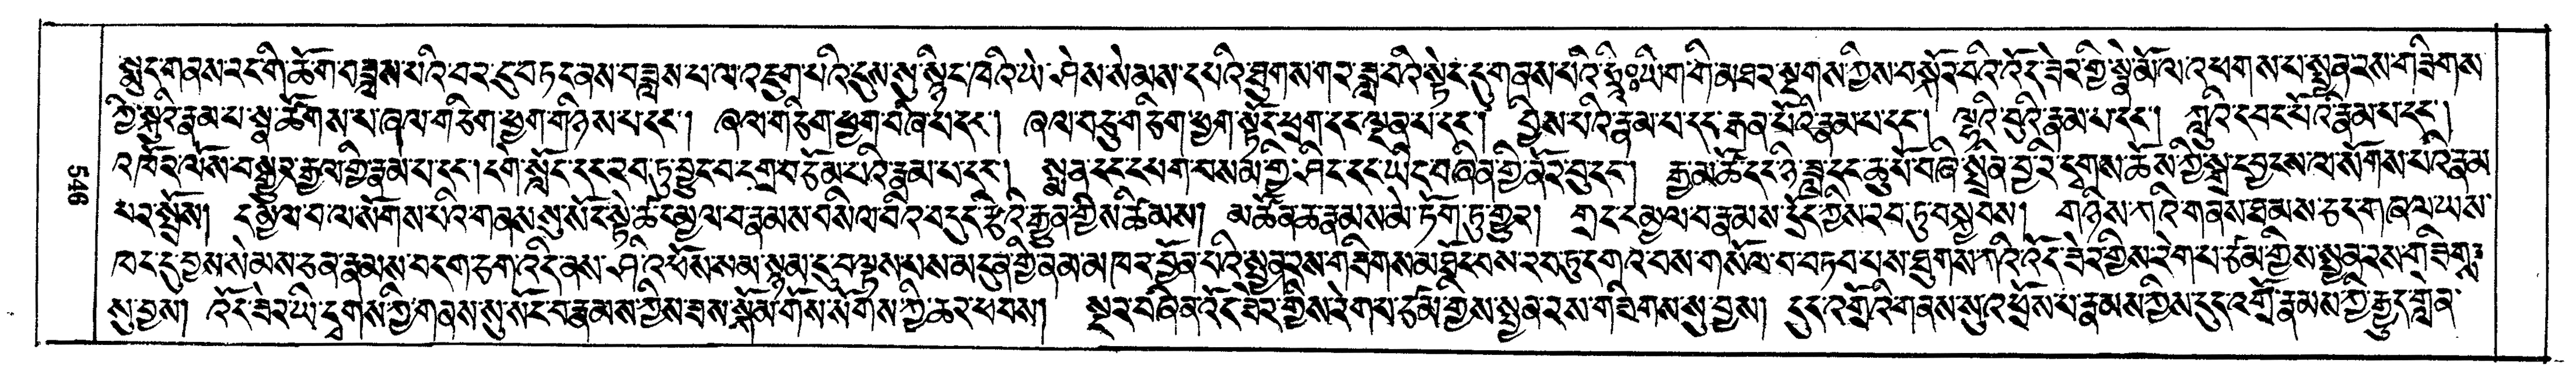སྨྱུང་གནས་རང་གི་ཆོ་ག་བཟླས་པའི་བར་དུ་བཏང་ནས་བཟླས་པ་ལ་འཇུག་པའི་དུས་སུ་སྙིང་ཁའི་ཡེ་ཤེས་སེམས་དཔའི་ཐུགས་ཀར་ཟླ་བའི་སྟེང་དུ་གནས་པའི་ཧྲཱིཿ ཡིག་གི་མཐར་སྔགས་ཀྱིས་བསྐོར་བའི་འོད་ཟེར་གྱི་སྣེ་མོ་ལ་འཕགས་པ་སྤྱན་རས་གཟིགས་
ཀྱི་སྐུའི་རྣམ་པ་སྣ་ཚོགས་པ་ཞལ་གཅིག་ཕྱག་གཉིས་པ་དང་། ཞལ་གཅིག་ཕྱག་བཞི་པ་དང་། ཞལ་བཅུ་གཅིག་ཕྱག་སྟོང་ཕྲག་དང་ལྡན་པ་དང་། བྱིས་པའི་རྣམ་པ་དང་རྒན་པོའི་རྣམ་པ་དང་། ལྷའི་བུའི་རྣམ་པ་དང་། ཀླུའི་དབང་པོའི་རྣམ་པ་དང་།
འཁོར་ལོས་བསྒྱུར་རྒྱལ་གྱི་རྣམ་པ་དང་། དགེ་སློང་དང་རབ་ཏུ་བྱུང་བ་དགྲ་བཅོམ་པའི་རྣམ་པ་དང་། སྨན་དང་དཔག་བསམ་གྱི་ཤིང་དང་ཡིད་བཞིན་གྱི་ནོར་བུ་དང་། རྒྱ་མཚོ་དང་ཉི་ཟླ་དང་ཆུ་བོ་བཞི་སྤྲིན་བྱ་རི་དྭགས་ཆོས་ཀྱི་སྒྲ་དབྱངས་ལ་སོགས་པའི་རྣམ་
པར་སྤྲོས། དམྱལ་བ་ལ་སོགས་པའི་གནས་སུ་སོང་སྟེ་ཚ་དམྱལ་བ་རྣམས་བསིལ་བའི་བདུད་རྩིའི་རྒྱུན་གྱིས་ཚིམས། མཚོན་ཆ་རྣམས་མེ་ཏོག་ཏུ་གྱུར། གྲང་དམྱལ་བ་རྣམས་དྲོད་ཀྱིས་རབ་ཏུ་བསྐྱབས། གཉིས་ཀའི་གནས་ཐམས་ཅད་གཞལ་ཡས་
ཁང་དུ་བྱས་སེམས་ཅན་རྣམས་བདག་ཅག་འདི་ནས་ཤི་འཕོས་སམ་སྙམ་དུ་བལྟས་པས་མདུན་གྱི་ནམ་མཁར་བྱོན་པའི་སྤྱན་རས་གཟིགས་མཐོང་བས་རབ་ཏུ་དགའ་བས་གསོལ་བ་བཏབ་པས་ཐུགས་ཀའི་འོད་ཟེར་གྱིས་རེག་པ་ཙམ་གྱིས་སྤྱན་རས་གཟིགས་
སུ་བྱས། འོད་ཟེར་ཡི་དྭགས་ཀྱི་གནས་སུ་སོང་བ་རྣམས་ཀྱིས་ཟས་སྐོམ་གོས་སོགས་ཀྱི་ཆར་ཕབས། སྔར་བཞིན་འོད་ཟེར་གྱིས་རེག་པ་ཙམ་གྱིས་སྤྱན་རས་གཟིགས་སུ་བྱས། དུད་འགྲོའི་གནས་སུ་འཕྲོས་པ་རྣམས་ཀྱིས་དུད་འགྲོ་རྣམས་ཀྱི་རྒྱུད་གླེན་